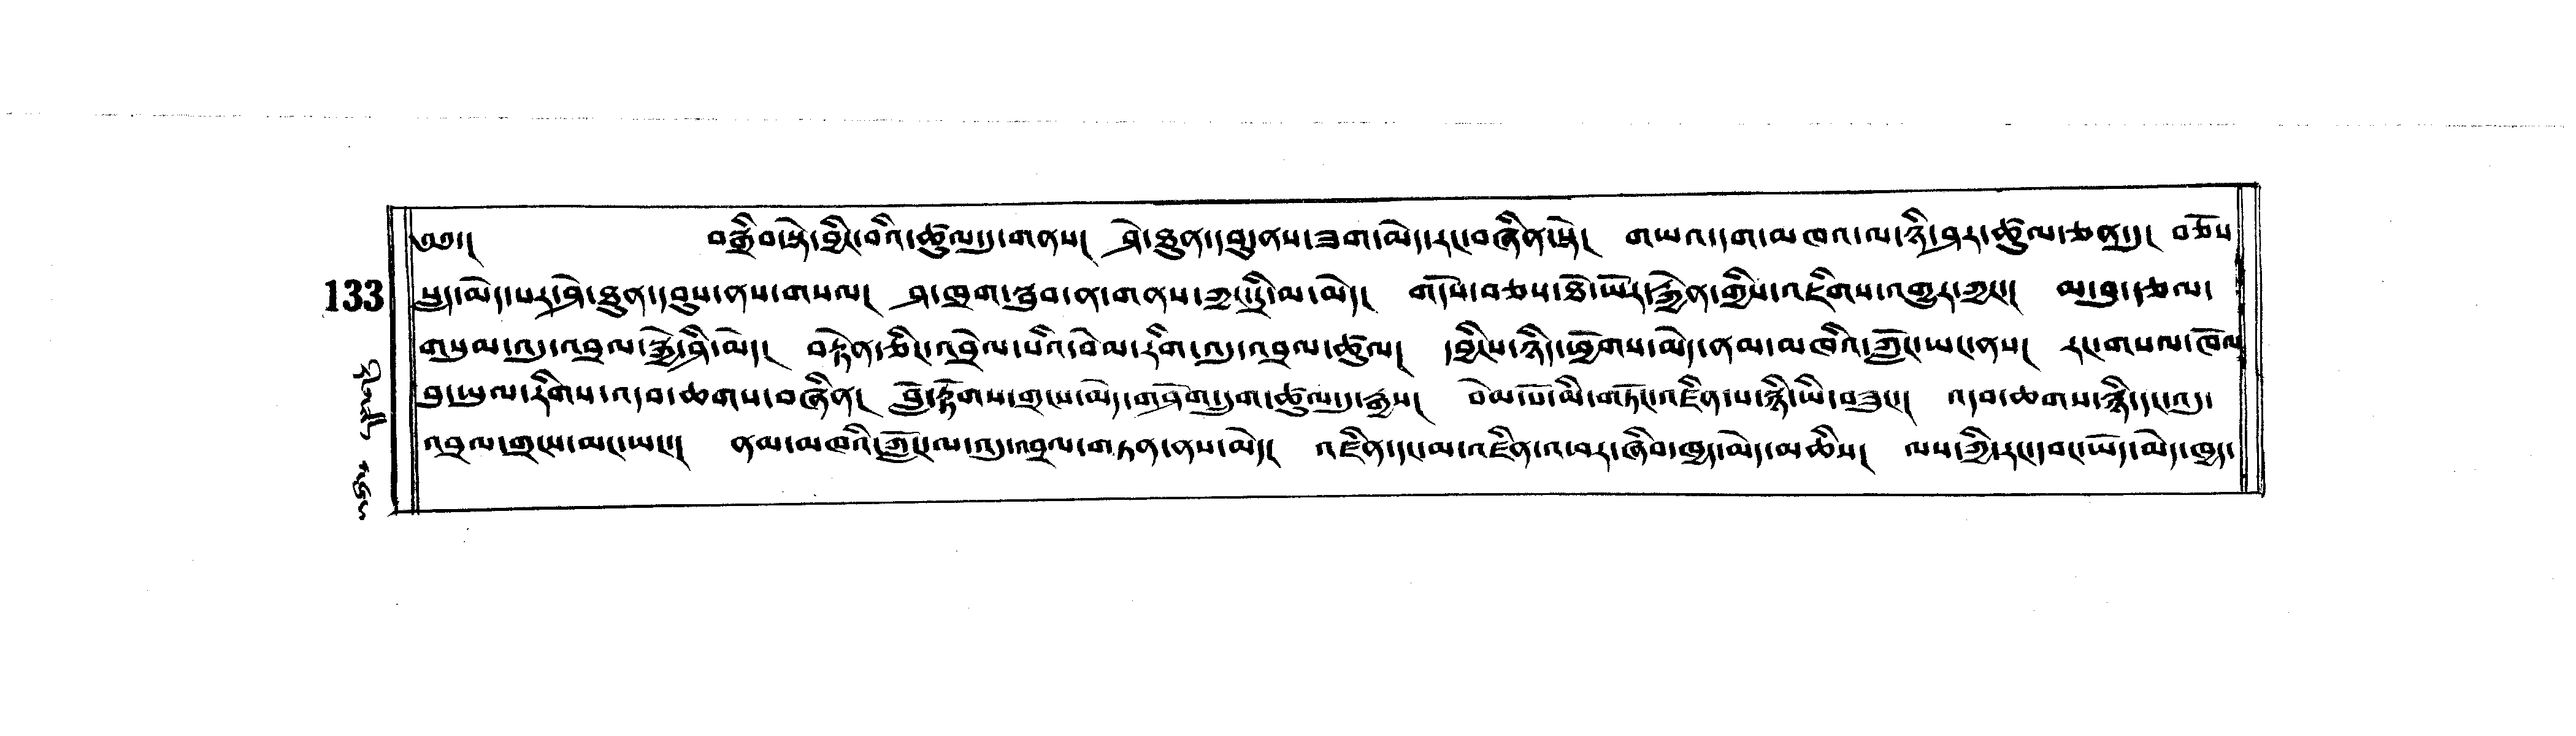བསྒྲིབས་ཏེ་བྱིང་བའི་ཚུལ་དུ་གནས། ཤེ་ཐུན་དབུ་ནས་ཟག་མེད་རང་བཞིན་ཏེ། གཡའ་དག་མཁའ་ལ་ཉི་ཤར་ཚུལ་ཅན་དུ། བཅོས་
སླད་མེད་པར་ཤེ་ཐུན་དབུས་ནས་གསལ། ཤ་ཁྲག་སྦུབས་ན་གནས་ཀྱང་དྲི་མ་མེད། གདོས་བཅས་ཐོ་ཡོར་རྐྱེན་གྱིས་འཇིག་གྱུར་ཀྱང་། མ་བུ་རྩལ་
གསུམ་འདུ་འབྲལ་སྐྱེ་ཤི་མེད། རྟེན་ཅིང་འབྲེལ་བའི་བེམ་རིག་འདུ་འབྲལ་ཚུལ། དབྱིངས་ཉིད་ཕྱོགས་མེད་ནམ་མཁའི་ཀློང་ཡངས་ནས། རང་གསལ་ཁོལ་
བུ་ཡུལ་རིགས་འདབ་ཆགས་བཞིན། བློ་རྟོག་གྲངས་མེད་གཤོག་དྲུག་ཚུལ་དུ་རྒྱས། བེམ་པོ་མི་གཏོང་འཛིན་པ་རྙི་ཡིས་བཟུང་། འདབ་ཆགས་རྙི་དང་འདུ་
འབྲལ་གྲངས་མང་ཡང་། ནམ་མཁའི་ཀློང་ནས་འདུ་འབྲལ་གཏན་ནས་མེད། འཛིན་དང་མ་འཛིན་འཕར་ཞིབ་ཁྱད་མེད་མཆིས། ལས་ཀྱི་རང་དབང་ཡོད་མེད་ཁྱད་